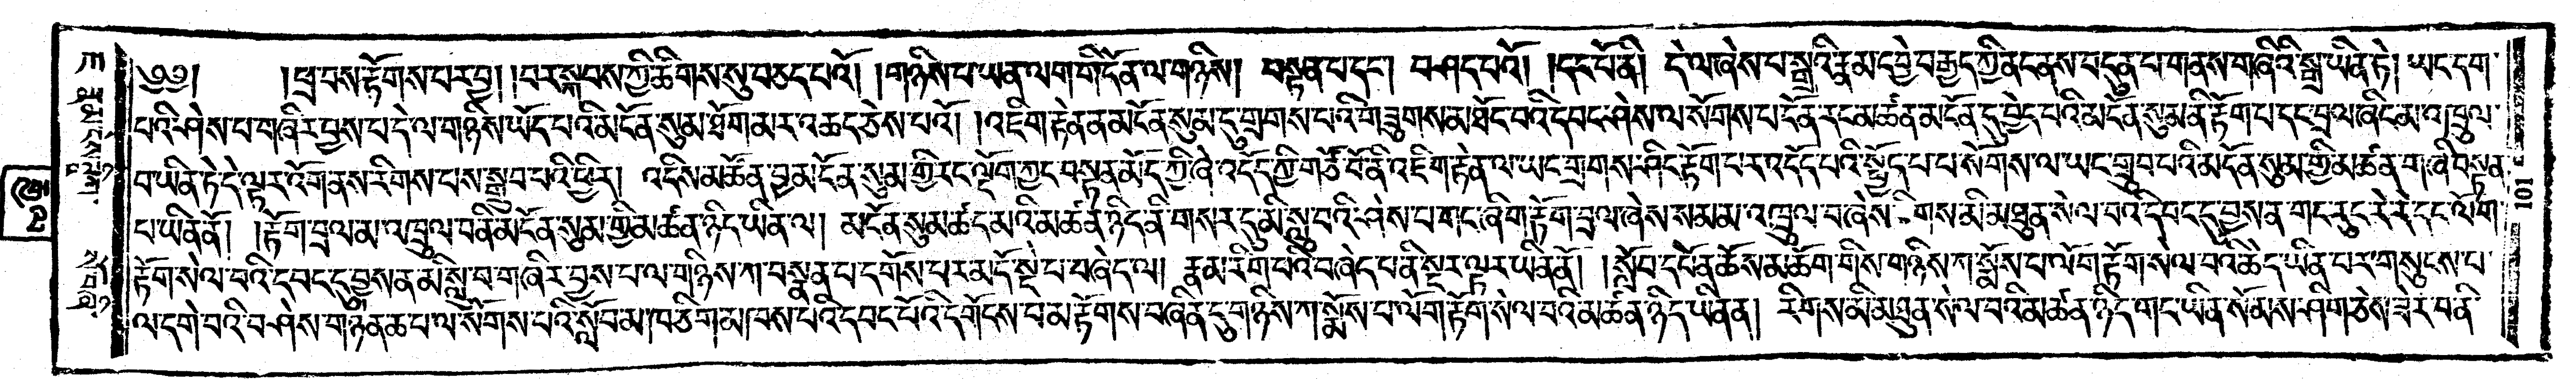༄༅། །ཕྲ་བས་རྟོགས་པར་བྱ། །བར་སྐབས་ཀྱི་ཚིགས་སུ་བཅད་པའོ། །གཉིས་པ་ཡན་ལག་གི་དོན་ལ་གཉིས། བསྟན་པ་དང་། བཤད་པའོ། །དང་པོ་ནི། དེ་ལ་ཞེས་པ་སྒྲའི་རྣམ་དབྱེ་བརྒྱད་ཀྱི་ནང་ནས་བདུན་པ་གནས་གཞིའི་སྒྲ་ཡིན་ཏེ། ཡང་དག་
པའི་ཤེས་པ་གཞིར་བྱས་པ་དེ་ལ་གཉིས་ཡོད་པའི་མངོན་སུམ་ཐོག་མར་འཆད་ཅེས་པའོ། །འཇིག་རྟེན་ན་མངོན་སུམ་དུ་གྲགས་པའི་གཟུགས་མཐོང་བའི་དབང་ཤེས་ལ་སོགས་པ་དོན་རང་མཚན་མངོན་དུ་བྱེད་པའི་མངོན་སུམ་ནི་རྟོག་པ་དང་བྲལ་ཞིང་མ་འཁྲུལ་
བ་ཡིན་ཏེ་དེ་ལྟར་འོག་ནས་རིགས་པས་སྒྲུབ་པའི་ཕྱིར། འདིས་མཚོན་བྱ་མངོན་སུམ་གྱི་རང་ལྡོག་ཀྱང་བསྟན་མོད་ཀྱི་ཞེ་འདོད་ཀྱི་གཙོ་བོ་ནི་འཇིག་རྟེན་ལ་ཡང་གྲགས་ཤིང་རྟོག་པར་འདོད་པའི་སྤྱོད་པ་པ་སོགས་ལ་ཡང་གྲུབ་པའི་མངོན་སུམ་གྱི་མཚན་གཞི་བསྟན་
པ་ཡིན་ནོ། །རྟོག་བྲལ་མ་འཁྲུལ་བ་ནི་མངོན་སུམ་གྱི་མཚན་ཉིད་ཡིན་ལ། མངོན་སུམ་ཚད་མའི་མཚན་ཉིད་ནི་གསར་དུ་མི་སླུ་བའི་ཤེས་པ་གང་ཞིག་རྟོག་བྲལ་ཞེས་སམ་མ་འཁྲུལ་བ་ཞེས་རིགས་མི་མཐུན་སེལ་བའི་དབང་དུ་བྱས་ན་གང་རུང་རེ་རེ་དང་ལོག་
རྟོག་སེལ་བའི་དབང་དུ་བྱས་ན་མི་སླུ་བ་གཞིར་བྱས་པ་ལ་གཉིས་ཀ་བསྣན་པ་དགོས་པར་མདོ་སྡེ་པ་བཞེད་ལ། རྣམ་རིག་པའི་བཞེད་པ་ནི་སྔར་ལྟར་ཡིན་ནོ། །སློབ་དཔོན་ཆོས་མཆོག་གིས་གཉིས་ཀ་སྨོས་པ་ལོག་རྟོག་སེལ་བའི་ཆེད་ཡིན་པར་གསུངས་པ་
ལ་དགེ་བའི་བཤེས་གཉེན་ཆ་པ་ལ་སོགས་པའི་སློབ་མ་ཁ་ཅིག་མཁས་པའི་དབང་པོའི་དགོངས་པ་མ་རྟོགས་བཞིན་དུ་གཉིས་ཀ་སྨོས་པ་ལོག་རྟོག་སེལ་བའི་མཚན་ཉིད་ཡིན་ན། རིགས་མི་མཐུན་སེལ་བའི་མཚན་ཉིད་གང་ཡིན་སོམས་ཤིག་ཅེས་ཟེར་བ་ནི་